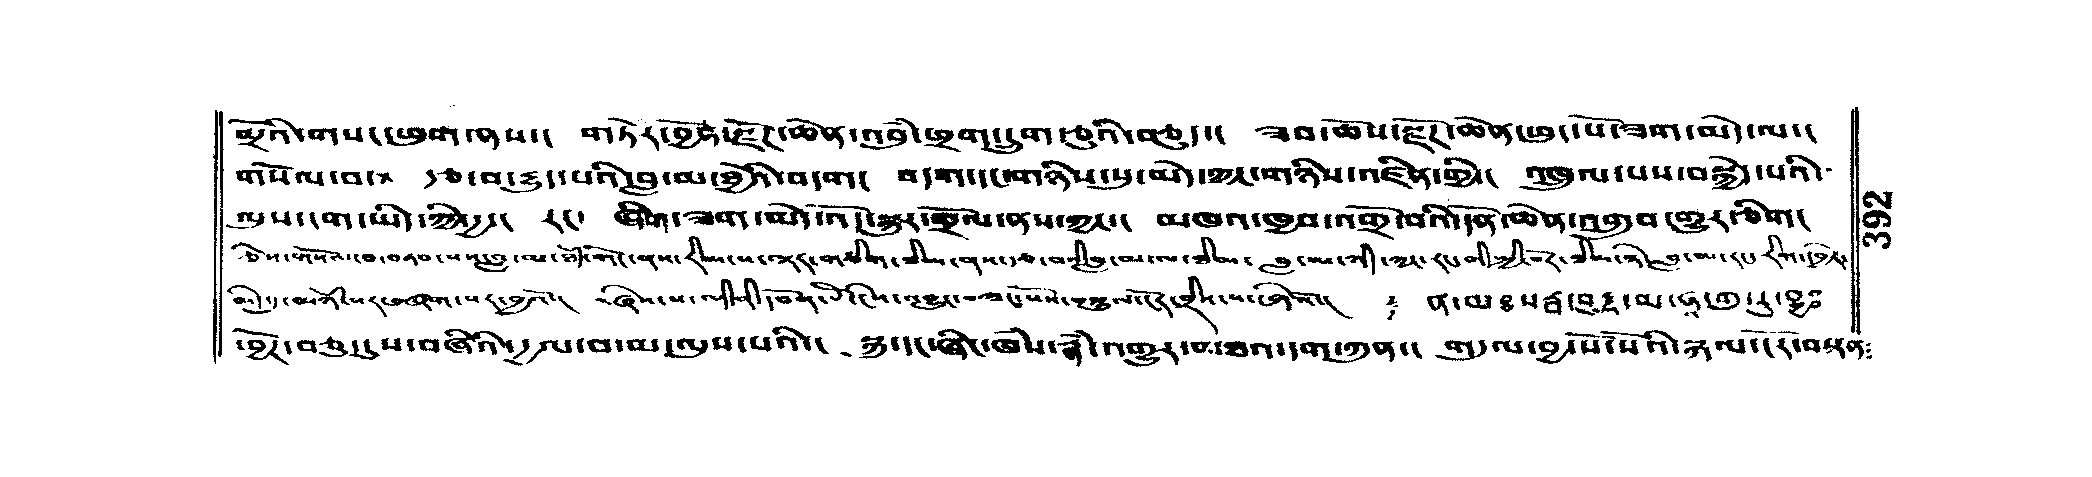མཁའ་འགྲོའི་གསང་ཕུག་ནས། །གཏེར་བྱོན་རྫོགས་ཆེན་འབུམ་ཕྲག་དྲུག་ཅུའི་བཅུད། །ཟབ་ཆོས་རྫོགས་ཆེན་ཕུང་པོ་ཟག་མེད་ལ། །
གསོལ་བ༴།རྩ་བ་རྒྱུད་པའི་བླ་མ་ཐུགས་རྗེའི་བདག །བདག་དང་གཉིས་སུ་མེད་ཀྱང་གཉིས་འཛིན་གྱི། །འཁྲུལ་པས་བསྐྱེད་པའི་
ལུས་ངག་ཡིད་ཀྱི་རྒྱ། །རང་ཞིག་ཟག་མེད་འོད་སྐུར་གྲོལ་ནས་ཀྱང་། །མཁའ་ཁྱབ་འགྲོ་བའི་དོན་ཆེན་འགྲུབ་གྱུར་ཅིག 
ཅེས་གསོལ་བ་བཏབ་པས་བླ་མ་ཐམས་ཅད་གོང་ནས་རིམ་པ་ལྟར་གཅིག་ཐིམ་ནས་རྩ་བའི་བླ་མ་ལ་ཐིམ། བླ་མ་ཉིད་ཀྱང་རང་གི་སྤྱི་བོར་ཐིམ་སྟེ་བླ་མ་རང་རིག་དབྱེར་
མེད་དུ་མཉམ་པར་བཞག་པར་བྱའོ།། ཞེས་པ་འདི་ནི་དབོན་པོ་ངེས་འབྱུང་བཟང་པོས་བསྐུལ་ངོར་བྲིས་པ་དགེའོ།། ༈ ན་མོཿསརྦ་བུདྡྷ་མ་ཧཱ་གུ་རུ་བྷྱཿ
ཕྱོགས་བཅུ་དུས་བཞིའི་རྒྱལ་བ་མ་ལུས་པའི། །སྐུ་དང་ཞིང་ཁམས་རྣམ་འགྱུར་མཐའ་དག་ཀུན། །གདུལ་བྱ་སོ་སོའི་སྐལ་ངོར་བསྟན་